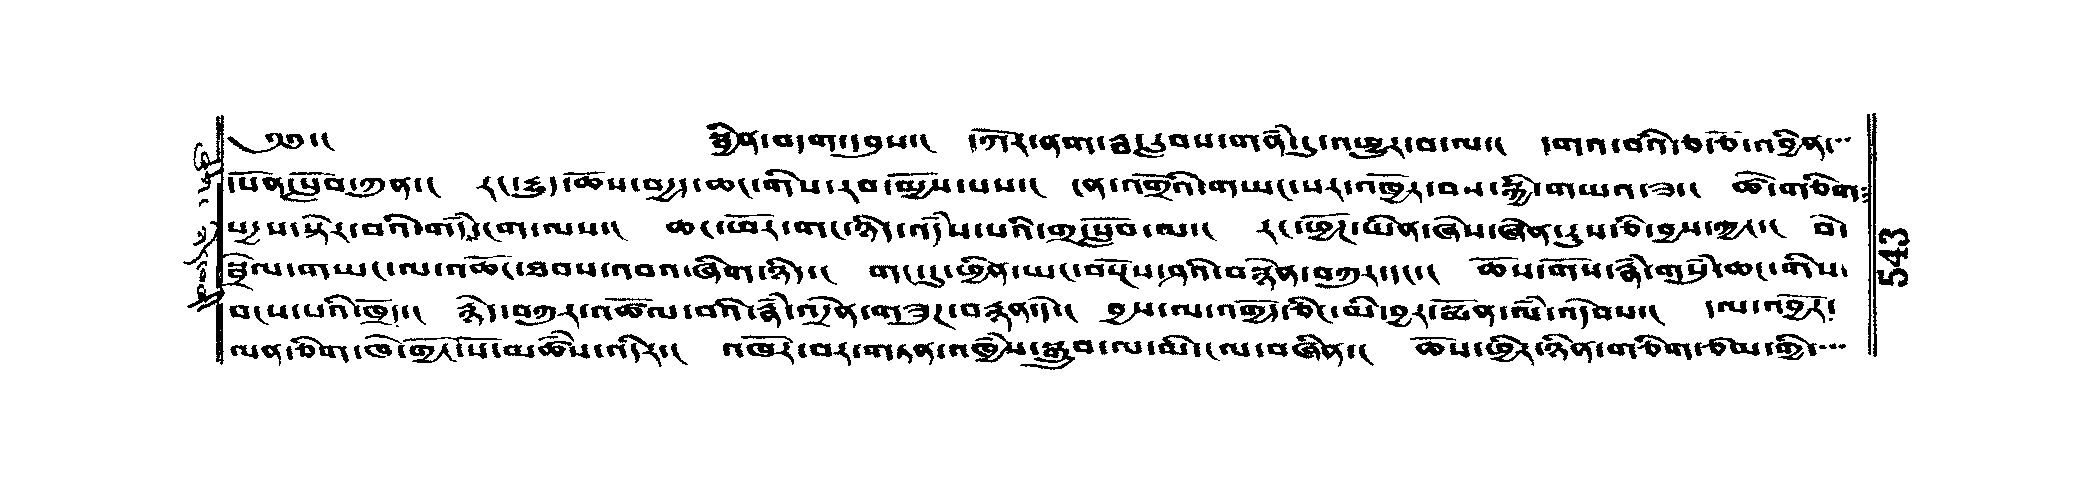སྦྱིན་བདག་དབུས། །དཀོར་ནག་རྦ་རླབས་གནམ་དུ་འཕྱུར་བ་ལ། །དགའ་བའི་ཅ་ཅོ་འབྱིན་
པའི་དཔོན་སློབ་ཀུན། །རང་རྒྱུད་ཆོས་བརྒྱད་ཆང་གིས་རབ་མྱོས་པས། །ངན་འགྲོའི་གཡང་སར་འཁྱོར་བས་སྐྱི་གཡའ་ཟ། །ཚེ་གཅིག་
སངས་རྒྱས་སྟེར་བའི་གདམས་ངག་ལས། །ཆང་ཕོར་གང་ཉིད་འདམས་པའི་གྲྭ་སློབ་ལ། །རང་ཕྱོགས་ཡིན་ཞེས་ཞེན་རུས་ཅི་བྱས་ཀྱང་། །བེའུ་
སྦྲེལ་གཡང་ལ་འཆོང་ཐབས་འབའ་ཞིག་ཉིད། །གང་དུ་ཕྱིན་ཡང་བསྔོས་ཤའི་བསྙེན་བཀུར་དང་། །ཆོས་གོས་རྣམ་གསུམ་ཆང་གིས་
བངས་པའི་ཁྲོད། །རྙེད་བཀུར་འཚོལ་བའི་རྣམ་འདྲེན་གཟུགས་བརྙན་དེ། །བྱས་ལ་འགྱོད་ཅིང་མི་བྱར་སྨོན་ལམ་འདེབས། །དལ་འབྱོར་
ལན་ཅིག་ཁེ་གྱོང་སོ་མཚམས་འདིར། །འཁོར་བར་གཏན་འཁྱམས་སྒྲུབ་ལ་མི་ངལ་བཞིན། །ཆོས་ཕྱིར་ཉིན་གཅིག་ཙམ་གྱི་